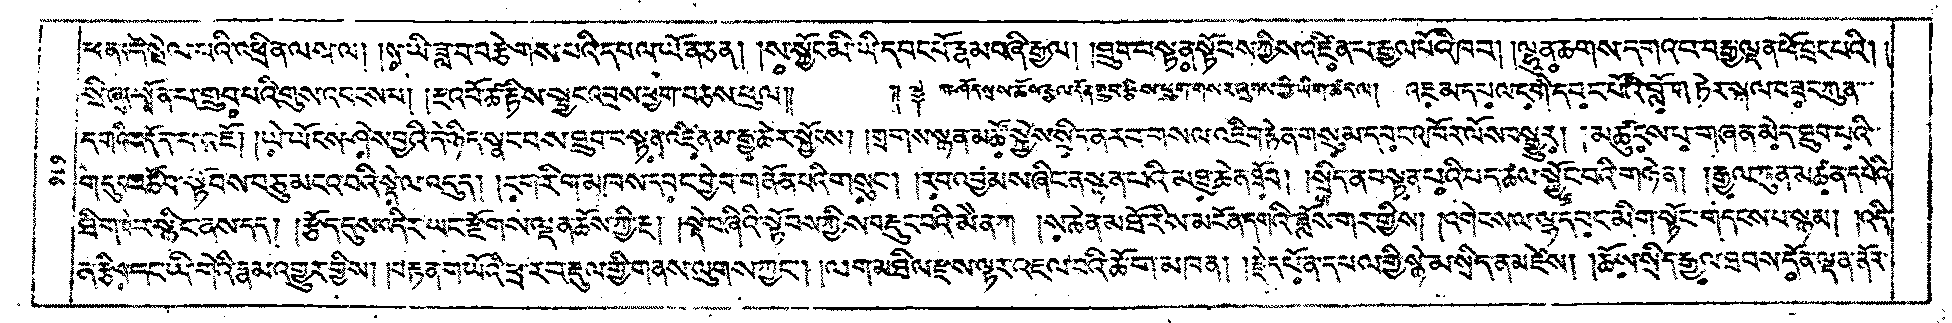ཕན་བདེ་སྤེལ་པའི་འཕྲིན་ལས་ལ། །ས྾་ཡི་ཟླ་བ་བརྩེགས་པའི་དཔལ་ཡོན་ཅན། །ས྾་སྐྱོང་མི་ཡི་དབང་པོ་རྣམ་བཞི་རྒྱལ། །ཐུབ་བསྟན྾་སྟོབས་ཀྱིས་འཛིན྾་པ་རྒྱལ་པོའི་ཁབ། །ལྷུན྾་ཆགས་དགའ་བ་བརྒྱ་ལྡན་ཕོ་བྲང་པའི། །
སྲི་ཞུར་སྨོན་པ་གྲུབ྾་པའི་གུས་འབངས་པ། །རྔ་འབོ་ཚ་རྟིས་སྦྱང་འབྲས་ཕྱག་བཅས་ཕུལ།། །། ༈ ཀ་ཤོད་སྲས་ཆོས་རྒྱལ་དོན་གྲུབ་རྩིས་ཕྲུག་གསར་ཞུགས་ཀྱི་ཡིག་ཚད་ལ།  འཇམ྾་དཔལ྾་ངག྾་གི་དབང྾་པོའི་བློ྾་གཏེར་སྐལ་བཟང྾་ཀུན་
དགའི་འདོད་པ་འཇོ། །ཡེ྾་ཡོངས་ཤེས྾་བྱའི་དེ་ཉིད་སྣང་བས་ཐུབ་བསྟན྾་འཛིན྾་མ་རྒྱ྾་ཆེར་སྐྱོངས། །གྲགས་སྙན་མཚོ྾་སྐྱེས་སྲིད྾་ན་རབ་གསལ་འཇིག་རྟེན་གསུམ྾་དབང྾་འཁོར་ལོས་བསྒྱུར྾། །མཚུངས྾་པ྾་གཞན་མེད྾་ཐུབ་པའི྾་
གདུང་འཚོབ་སྟོབས་བཅུ་མངའ་བའི་སྡེ྾་ལ་འདུད། །ངག྾་རིག་མཁས་དབང྾་བྱེ་བ་གནོན་པའི་གསུང྾། །རབ྾་འབྱམས་ཞིང་ན་སྙན་པའི་མཐུ྾་ཆེན་ཐོབ྾། །སྲིད་~྾་ན་བསྟན྾་པའི྾་པད་ཚལ་སྐྱོང་~྾་བའི་གཉེན། །རྒྱལ྾་ཀུན་མཚན྾་དཔེའི་
ཐིག་ལེར་སྙིང་ནས་དད། །རྩོད་དུས་འདིར་ཡང་རྫོགས་ལྡན་ཆོས་ཀྱི་རྔ། །སྡེ་བཞིའི་སྟོབས་ཀྱིས་བརྡུང་བའི་མཻ་ན་ཀ །ས྾་ཆེན་མཐོ་རིས་མངོན་དགའི་ཟློས་གར་གྱིས། །འགེངས་ལ་ལྷ་དབང྾་མིག་སྟོང་གདངས་པ་སྙམ། །འདི་
ན་རྩིས྾་དང་ཡི་གེའི་རྣམ་འགྱུར་གྱིས། །བརྟན་གཡོའི་ཕྲ་རབ་རྡུལ་གྱི་གནས་ལུགས་ཀྱང་། །ལག་མཐིལ་རྫས་ལྟར་འཇལ་བའི་ཆོ་ག་མཁན། །རྗེ་དཔོན་དཔལ་གྱི་སྙེ་མ་སྲིད་ན་མཛེས། །ཆོས྾་སྲིད་རྒྱལ྾་ཐབས་དོན྾་ལྡན་ནོར་